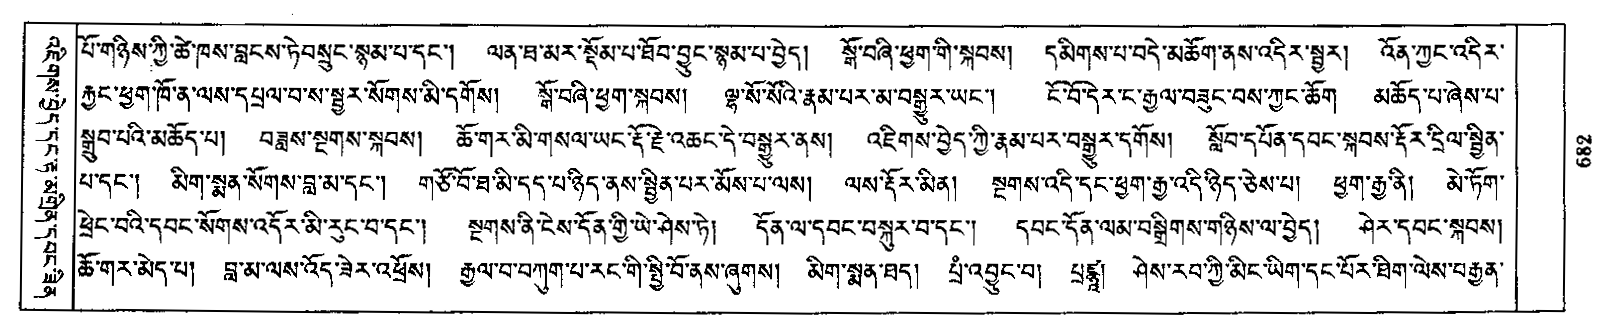པོ་གཉིས་ཀྱི་ཚེ་ཁས་བླངས་ཏེ་བསྲུང་སྙམ་པ་དང་། ལན་ཐ་མར་སྡོམ་པ་ཐོབ་བྱུང་སྙམ་པ་བྱེད། སྒོ་བཞི་ཕྱག་གི་སྐབས། དམིགས་པ་བདེ་མཆོག་ནས་འདིར་སྦྱར། འོན་ཀྱང་འདིར་
རྐྱང་ཕྱག་ཁོ་ན་ལས་དཔྲལ་བ་ས་སྦྱར་སོགས་མི་དགོས། སྒོ་བཞི་ཕྱག་སྐབས། ལྷ་སོ་སོའི་རྣམ་པར་མ་བསྒྱུར་ཡང་། ངོ་བོ་དེར་ང་རྒྱལ་བཟུང་བས་ཀྱང་ཆོག་མཆོད་པ་ཞེས་པ་
སྒྲུབ་པའི་མཆོད་པ། བཟླས་སྔགས་སྐབས། ཆོ་གར་མི་གསལ་ཡང་རྡོ་རྗེ་འཆང་དེ་བསྒྱུར་ནས། འཇིགས་བྱེད་ཀྱི་རྣམ་པར་བསྒྱུར་དགོས། སློབ་དཔོན་དབང་སྐབས་རྡོར་དྲིལ་སྦྱིན་
པ་དང་། མིག་སྨན་སོགས་བླ་མ་དང་། གཙོ་བོ་ཐ་མི་དད་པ་ཉིད་ནས་སྦྱིན་པར་མོས་པ་ལས། ལས་རྡོར་མིན། སྔགས་འདི་དང་ཕྱག་རྒྱ་འདི་ཉིད་ཅེས་པ། ཕྱག་རྒྱ་ནི། མེ་ཏོག་
ཕྲེང་བའི་དབང་སོགས་འདོར་མི་རུང་བ་དང་། སྔགས་ནི་ངེས་དོན་གྱི་ཡེ་ཤེས་ཏེ། དོན་ལ་དབང་བསྐུར་བ་དང་། དབང་དོན་ལམ་བསྒྲིགས་གཉིས་ལ་བྱེད། ཤེར་དབང་སྐབས།
ཆོ་གར་མེད་པ། བླ་མ་ལས་འོད་ཟེར་འཕྲོས། རྒྱལ་བ་བཀུག་པ་རང་གི་སྤྱི་བོ་ནས་ཞུགས། མིག་སྨན་ཐད། པྲཾ་འབྱུང་བ། པྲཛྙཱ། ཤེས་རབ་ཀྱི་མིང་ཡིག་དང་པོར་ཐིག་ལེས་བརྒྱན་